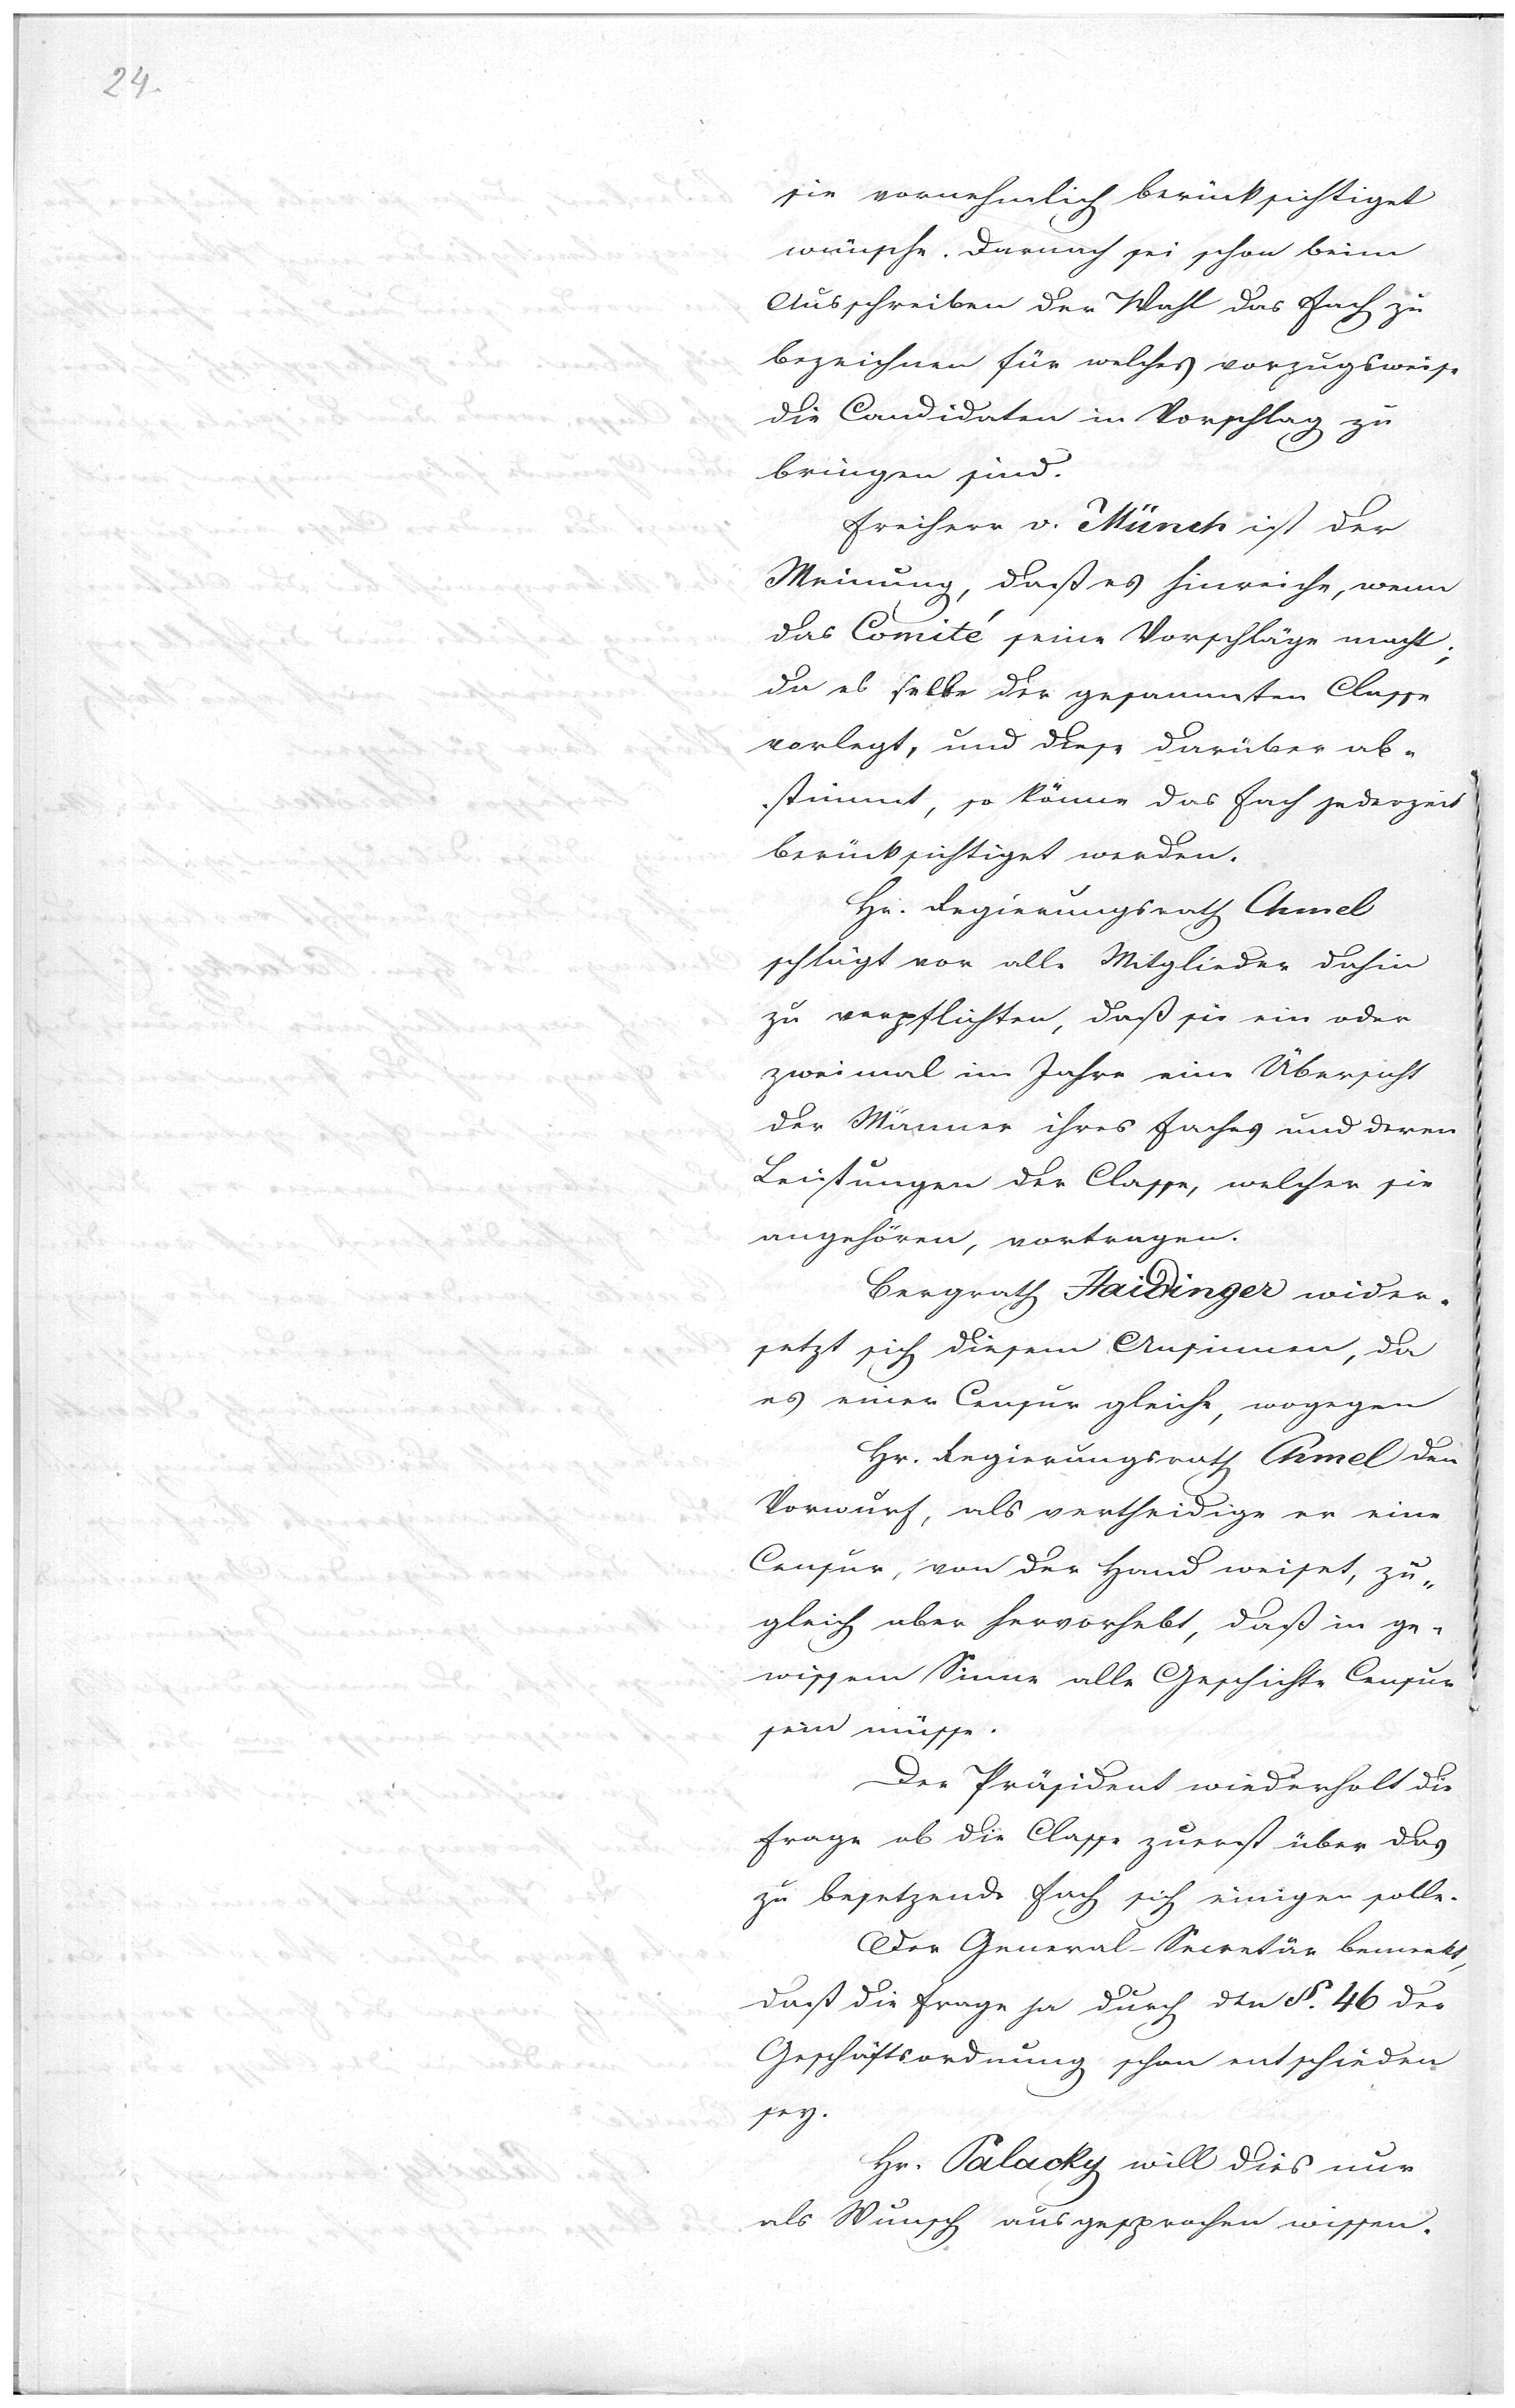sie vornehmlich berücksichtiget
wünsche. Darnach sei schon beim
Ausschreiben der Wahl das Fach zu
bezeichnen für welches vorzugsweise
die Candidaten in Vorschlag zu
bringen sind.
Freiherr v. Münch ist der
Meinung, daß es hinreiche, wenn
des Comité seine Vorschläge macht;
da es selbe der gesammten Classe
vorlegt, und diese darüber ab-
stimmt, so könne das Fach jederzeit
berücksichtiget werden.
Hr. Regierungsrath Chmel
schlägt vor alle Mitglieder dahin
zu verpflichten, daß sie ein oder
zweimal im Jahre eine Übersicht
der Männer ihres Faches und deren
Leistungen der Classe, welcher sie
angehören, vortragen.
Bergrath Haidinger wider-
setzt sich diesem Ansinnen, da
es einer Censur gleiche, wogegen
Hr. Regierungsrath Chmel den
Vorwurf, als vertheidige er eine
Censur, von der Hand weiset, zu-
gleich aber hervorhebt, daß in ge-
wissem Sinne alle Geschichte Censur
sein müsse.
Der Präsident wiederholt die
Frage ob die Classe zuerst über das
zu besetzende Fach sich einigen solle.
Der General-Secretär bemerkt,
daß die Frage ja durch den § 46 der
Geschäftsordnung schon entschieden
sey.
Hr. Palacky will dies nur
als Wunsch ausgesprochen wissen.